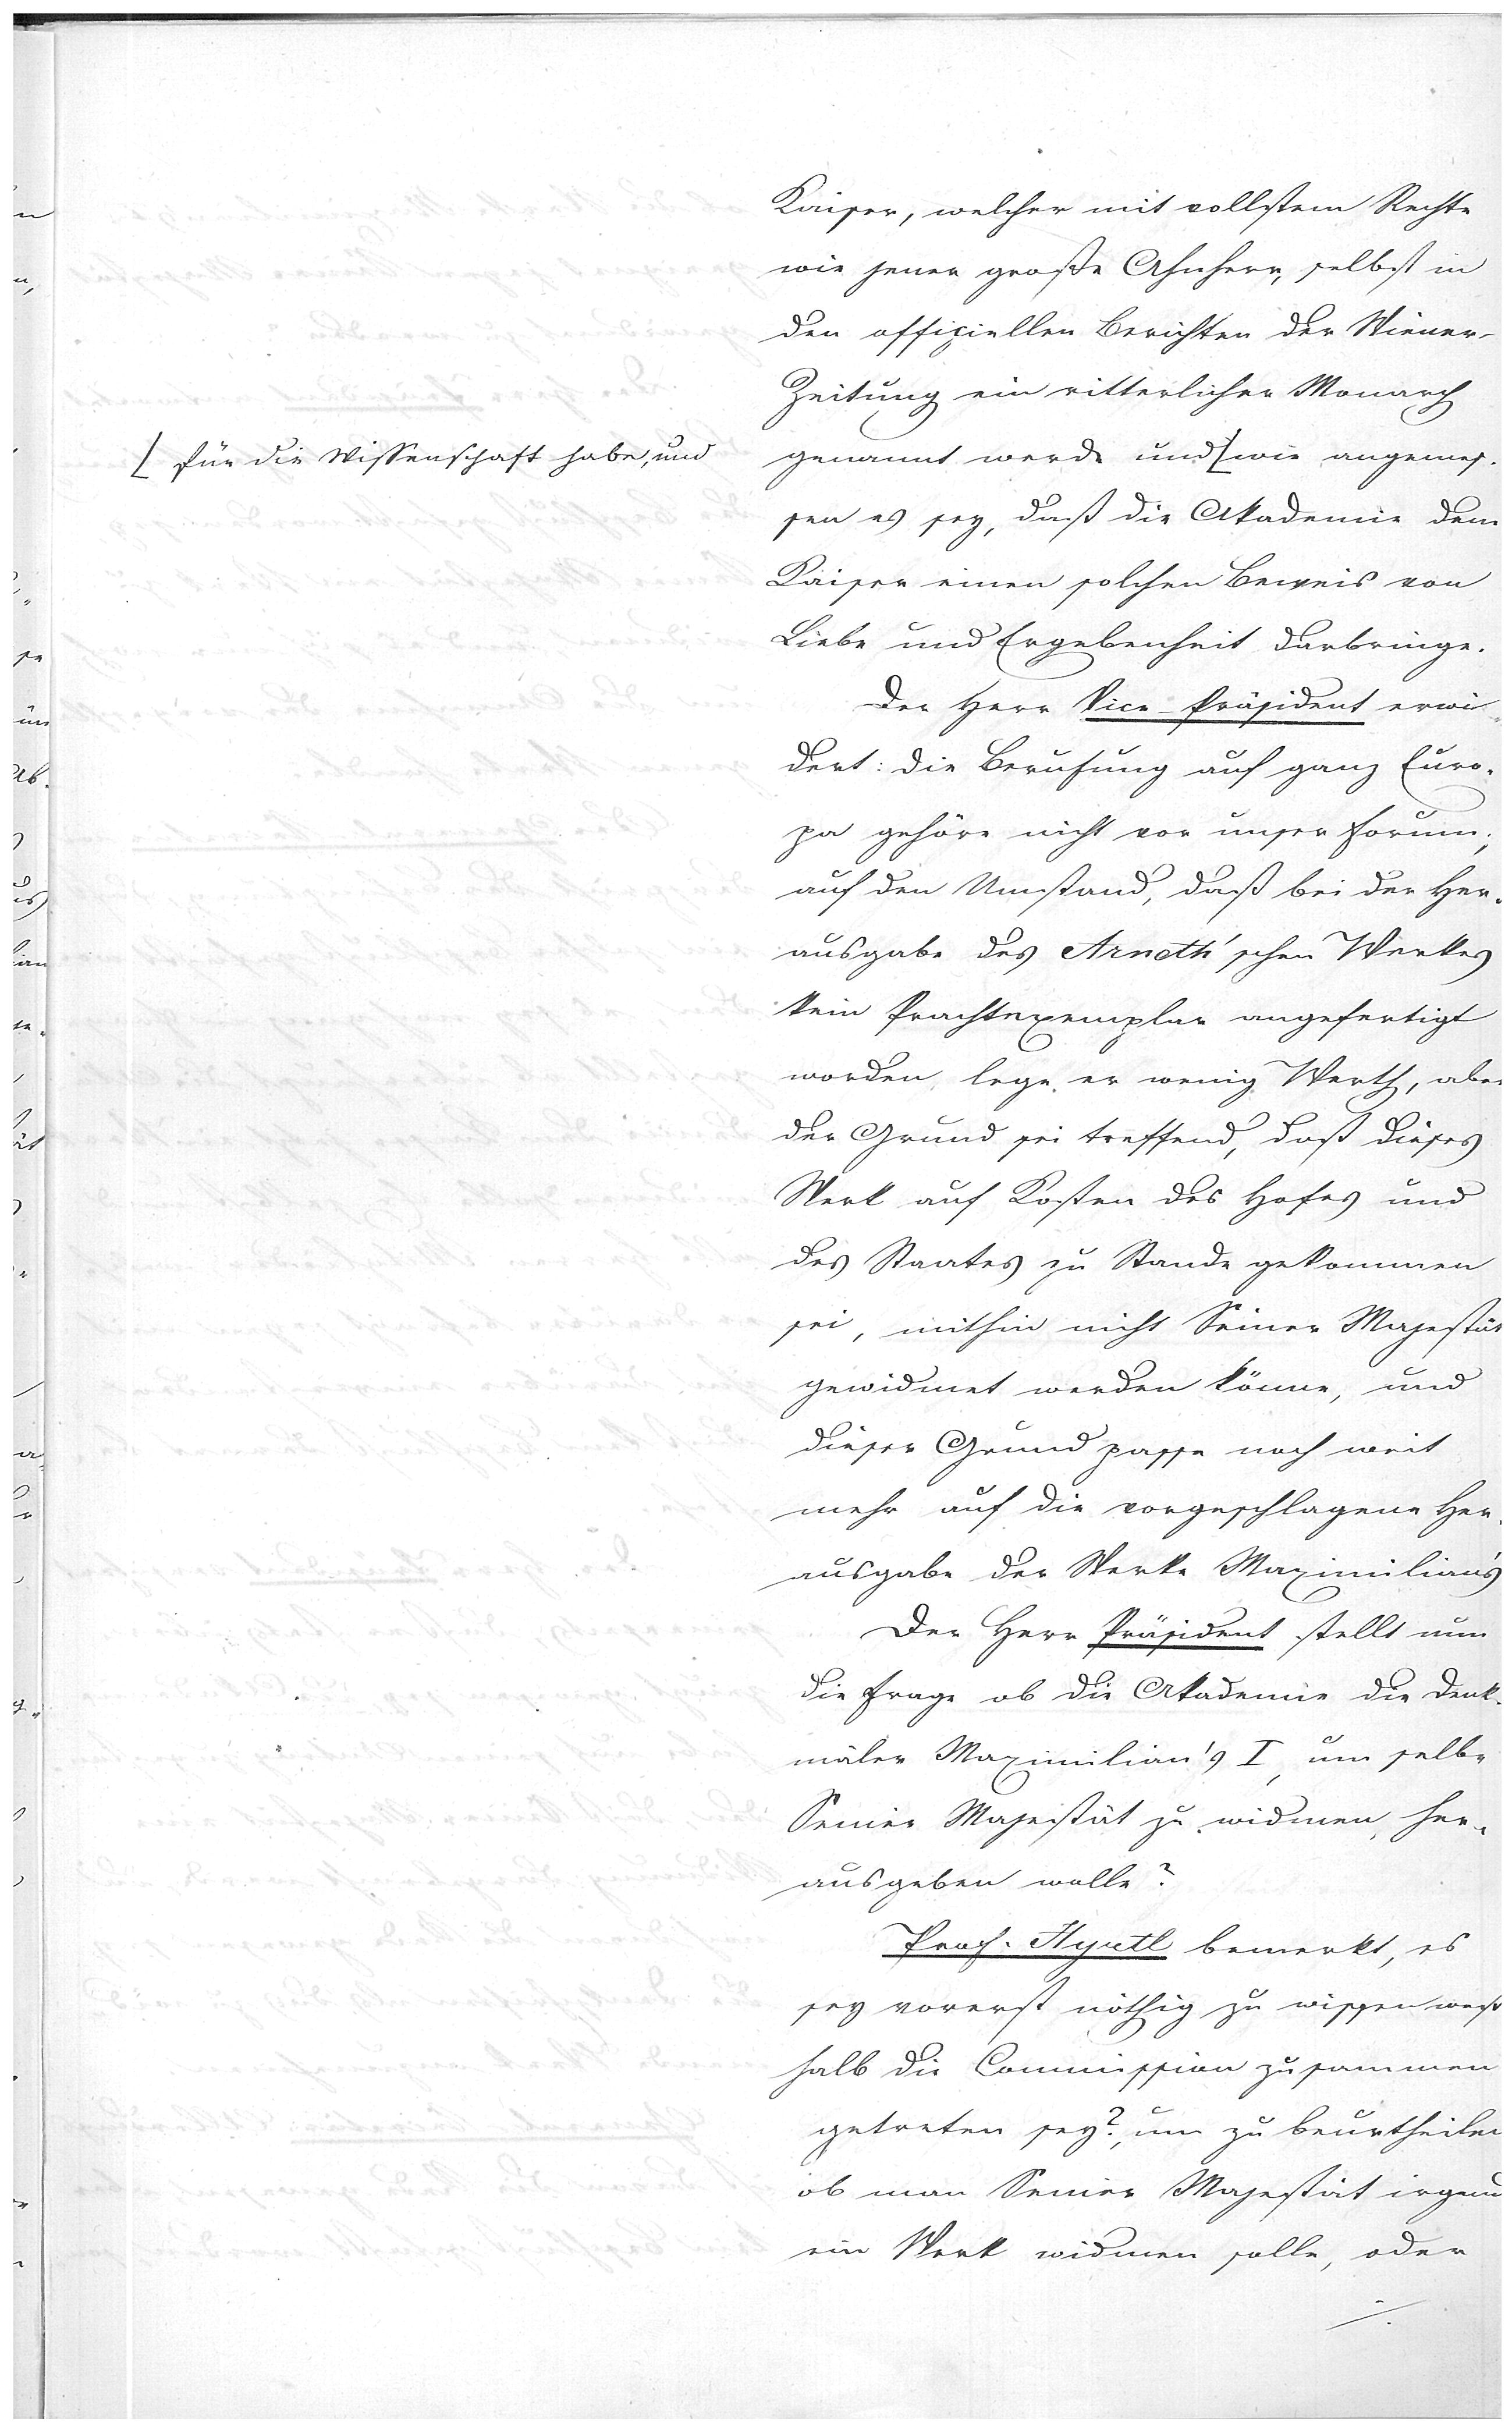Kaiser, welcher mit vollsten Rechte
wie jener große Ahnherr, selbst in
den officiellen Berichten der Wiener
Zeitung ein ritterlicher Monarch
genannt werde und wie angemes-
sen es sey, daß die Akademie dem
Kaiser einen solchen Beweise von
Liebe und Ergebenheit darbringe.
für die Wissenschaft habe, und
Der Herr Vice-Präsident erwi-
dert: Die Berufung auf ganz Euro-
pa gehöre nicht vor unser Forum,
auf den Umstand, daß bei der Her-
ausgabe des Arneth'schen Werkes
kein Prachtexemplar angefertigt
worden, lege er wenig Werth, aber
der Grund sein treffend, daß dieses
Werk auf Kosten des Hofes und
des Staates zu Stande gekommen
sei, mithin nicht Seiner Majestät
gewidmet werden könne, und
dieser Grund passe noch weit
mehr auf die vorgeschlagene Her-
ausgabe der Werke Maximilians.
Der Herr Präsident stellt nun
die Frage ob die Akademie die Denk-
mäler Maximilian's I, um selbe
Seiner Majestät zu widmen her-
ausgeben wolle?
Prof. Hyrtl bemerkt, es
sey vorerst nöthig zu wissen wes-
halb die Commission zusammen
getreten sey?, um zu beurtheilen
ob man Seiner Majestät irgend
ein Werk widmen solle, oder